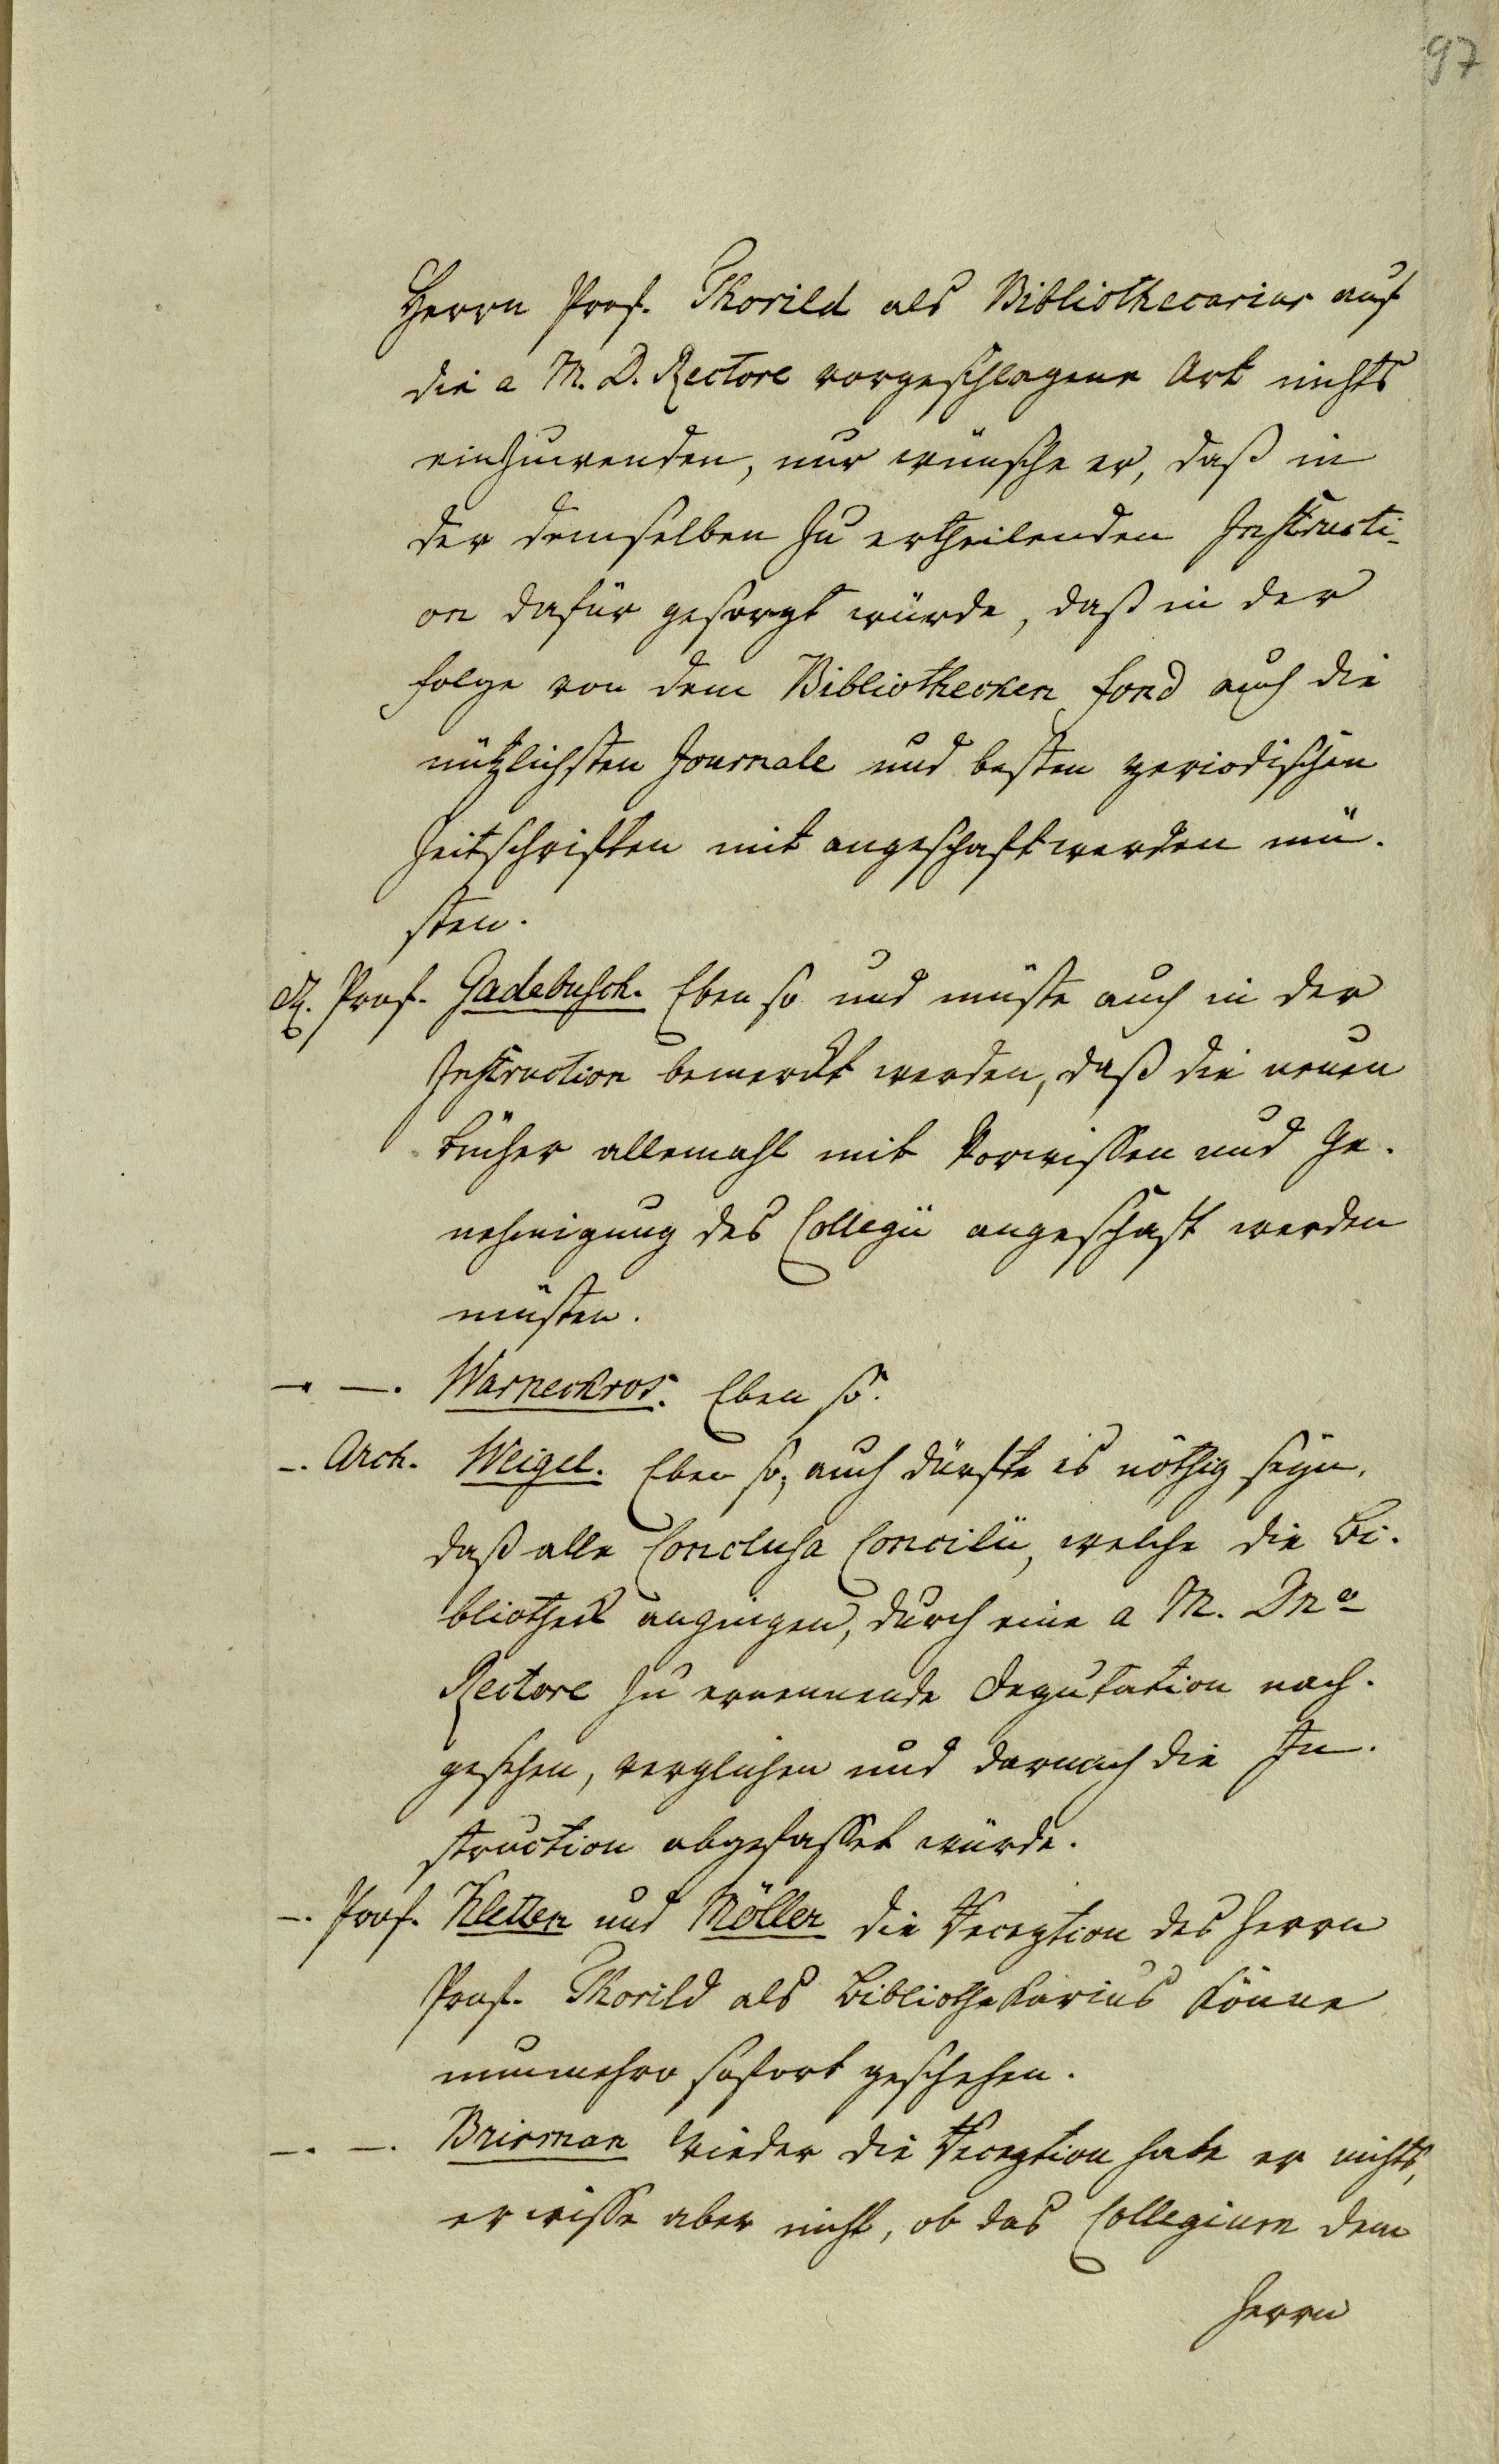Herrn Prof. Thorild als Bibliothecarius auf
die a M. D. Rectore vorgeschlagene Art nichts
einzuwenden, nur wünsche er, daß in
der demselben zu ertheilenden Instructi¬
on dafür gesorgt würde, daß in der
Folge von dem Bibliothecken Fond auch die
nützlichsten Journale und besten periodischen
Zeitschriften mit angeschaft werden mü¬
sten.
dh. Prof. Gadebusch. Eben so und müßte auch in der
Instruction bemerckt werden, daß die neuen
Bücher allemahl mit Vorwissen und Ge¬
nehmigung des Collegii angeschaft werden
müßten.
Warneckros. Eben so.
Arch. Weigel. Eben so, auch dürfte es nöthig seÿn,
daß alle Conclusa Concilii ,welche die Bi¬
bliotheck angingen, durch eine a M. Dn
Rectore zu ernennende Deputation nach¬
gesehen, verglichen und darnach die In¬
struction abgefasset würde.
Prof. Kletten und Möller die Reception des Herrn
Prof. Thorild als Bibliothekarius könne
nunmehro sofort geschehen.
Brisman. Wieder die Reception habe er nichts,
er wisse aber nicht, ob das Collegium dem
Herrn